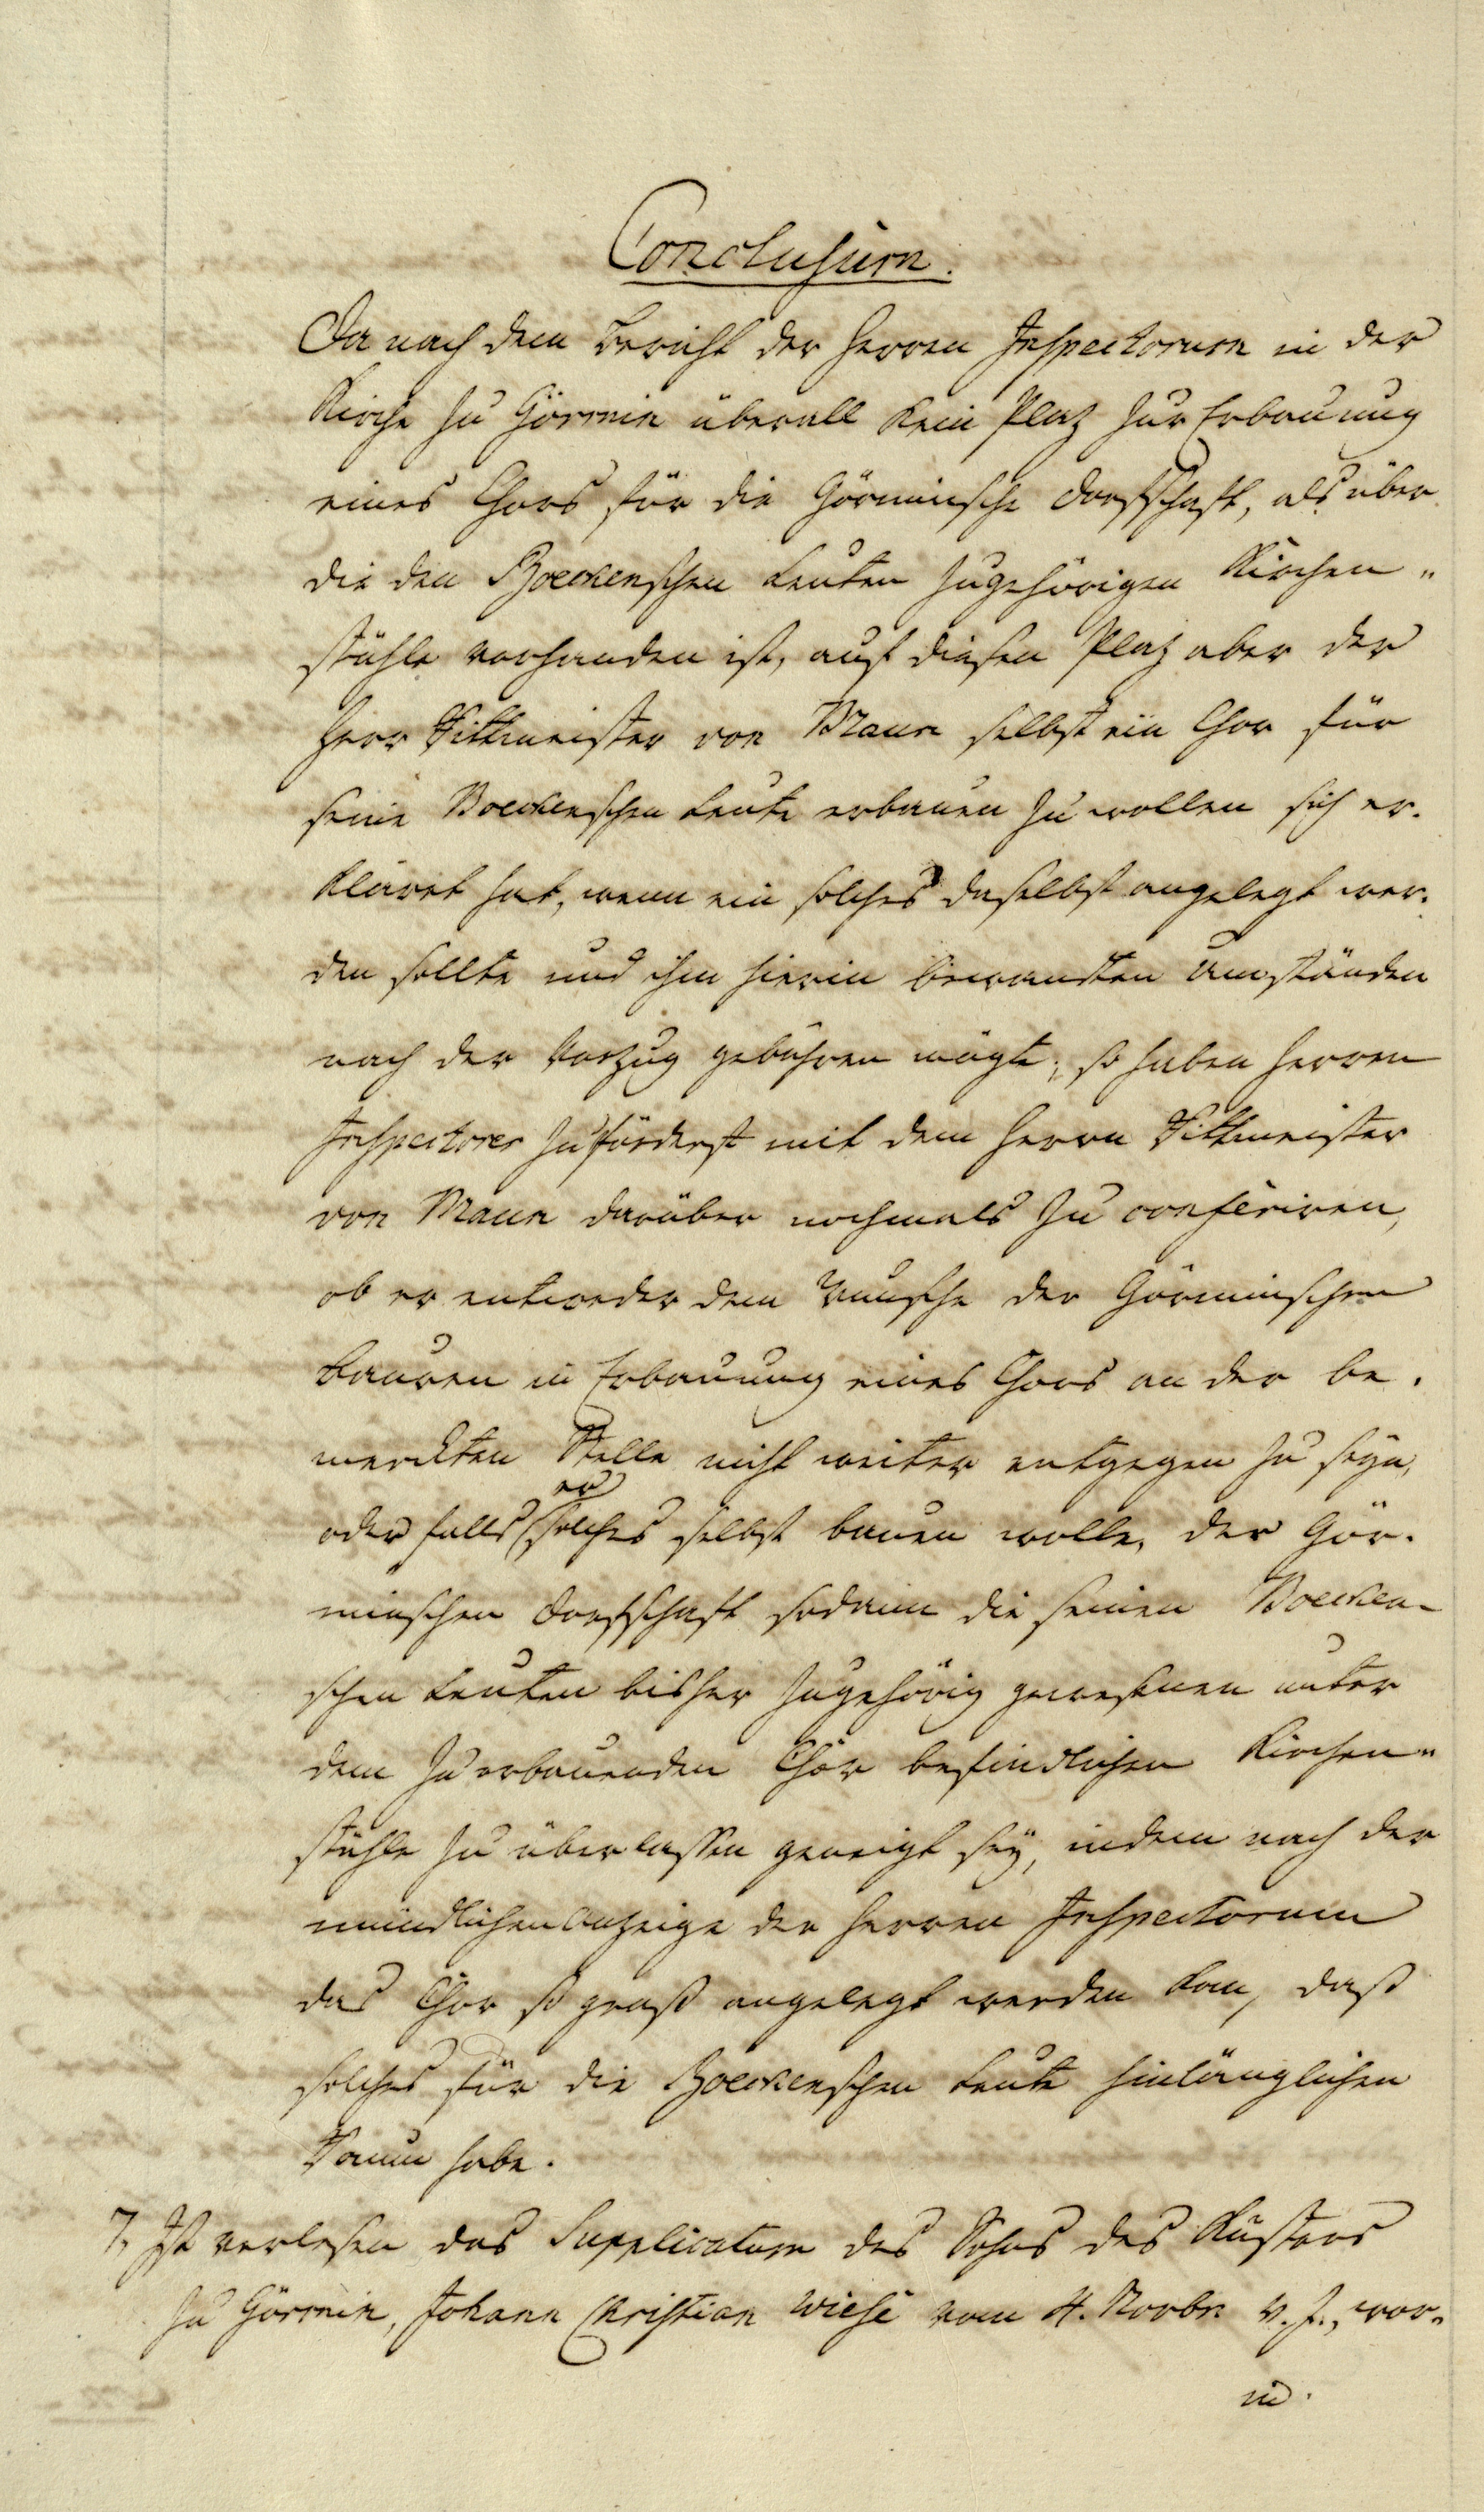Conclusum.
Da nach dem Bericht der Herren Inspectorum in der
Kirche zu Görmin überall kein Platz zur Erbauung
eines Chors für die Görminsche Dorfschaft, als über
die den Boeckenschen Leuten zugehörigen Kirchen¬
stühle vorhanden ist, auf diesen Plaz aber der
Herr Rittmeister von Maun selbst ein Chor für
seine Boeckenschen Leute erbauen zu wollen sich er¬
kläret hat, wenn ein solches daselbst angelegt wer¬
den sollte und ihm hierin bewandten Umständen
nach der Vorzug gebühren mögte; so haben Herren
Inspectores zu förderst mit dem Herrn Rittmeister
von Maun darüber nochmals zu conferiren,
ob er entweder dem Wunsche der Görminschen
Bauren in Erbauung eines Chors an der be¬
merckten Stelle nicht weiter entgegen zu seÿn,
oder falls er solches selbst bauen wolle, der Gör¬
minschen Dorfschaft sodann die seinen Boecken¬
schen Leuten bisher zugehörig gewesenen unter
dem zu erbauenden Chor befindlichen Kichen¬
stühle zu überlassen geneigt seÿ, indem nach der
mündlichen Anzeige der Herren Inspectorum
das Chor so groß angelegt werden kan, daß
solches für die Boeckenschen Leute hinlänglichen
Raum habe.
7. Ist verlesen das Supplicatum des Sohns des Küsters
zu Görmin, Johann Christian Wiese vom 4. Novbr. v. J. wor¬
in